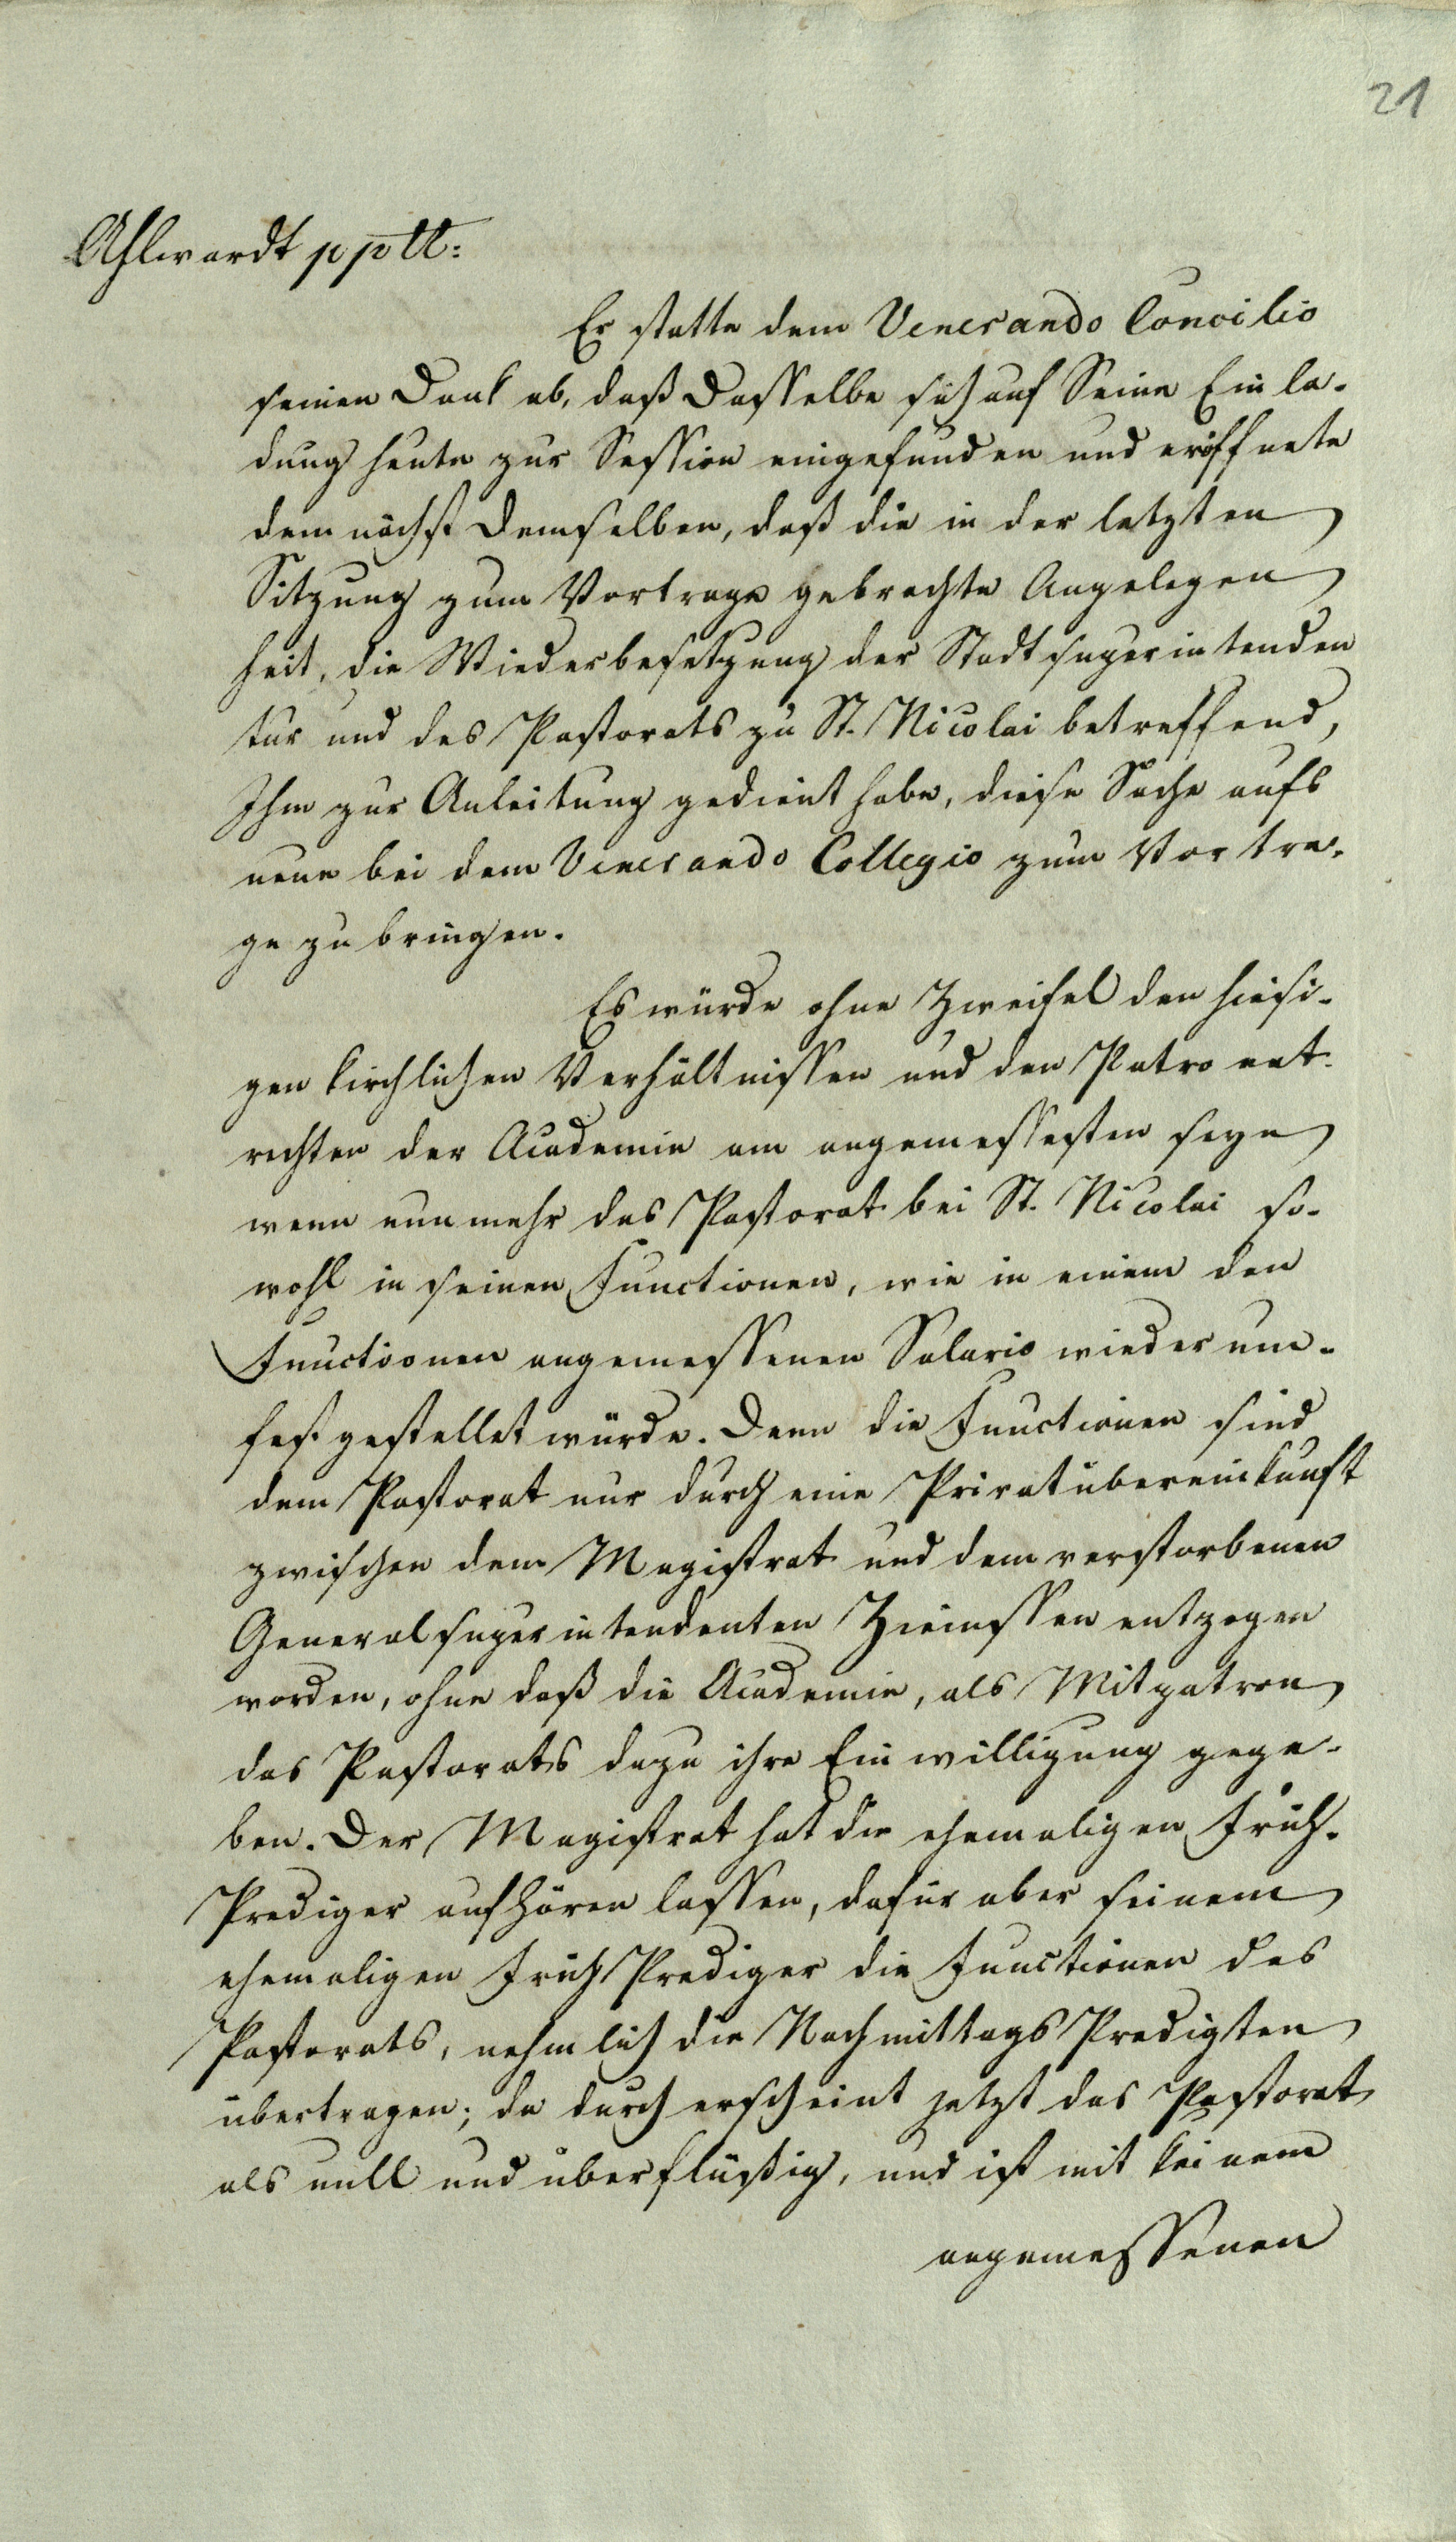Ahlwardt pptt:
Er statte dem Venerando Concilio
seinen Dank ab, daß dasselbe sich auf Seine Einla¬
dung heute zur Session eingefunden und eröffnete
dem nächst demselben, daß die in der letzten
Sitzung zum Vortrage gebrachte Angelegen¬
heit, die Wiederbesetzung der Stadt superintenden¬
tur und des Pastorats zu St. Nicolai betreffend,
Ihm zur Anleitung gedient habe, diese Sache aufs
neue bei dem Venerando Collegio zum Vortra¬
ge zu bringen.
Es würde ohne Zweifel den hiesi¬
gen kirchlichen Verhältnissen und den Patronat
rechten der Academie am angemessensten seyn
wenn nun mehr das Pastorat bei St. Nicolai so¬
wohl in seinen Functionen, wie in einem den
Functionen angemessenen Salario wiederum
festgestellet würde. Denn die Functionen sind
dem Pastorat nur durch eine Privatübereinkunft
zwischen dem Magistrat und dem verstorbenen
Generalsuperintendenten Ziemssen entzogen
worden, ohne daß die Academie, als Mitpatron
des Pastorats dazu ihre Einwiligung gege¬
ben. Der Magistrat hat die ehemaligen Früh¬
Prediger aufhören lassen, dafür aber seinem
ehemaligen Früh Prediger die Functionen des
Pastorats, nehmlich die Nachmittags Predigten
übertragen, da durch erscheint jetzt das Pastorat
als null und überflüssig, und ist mit keinem
angemessenen